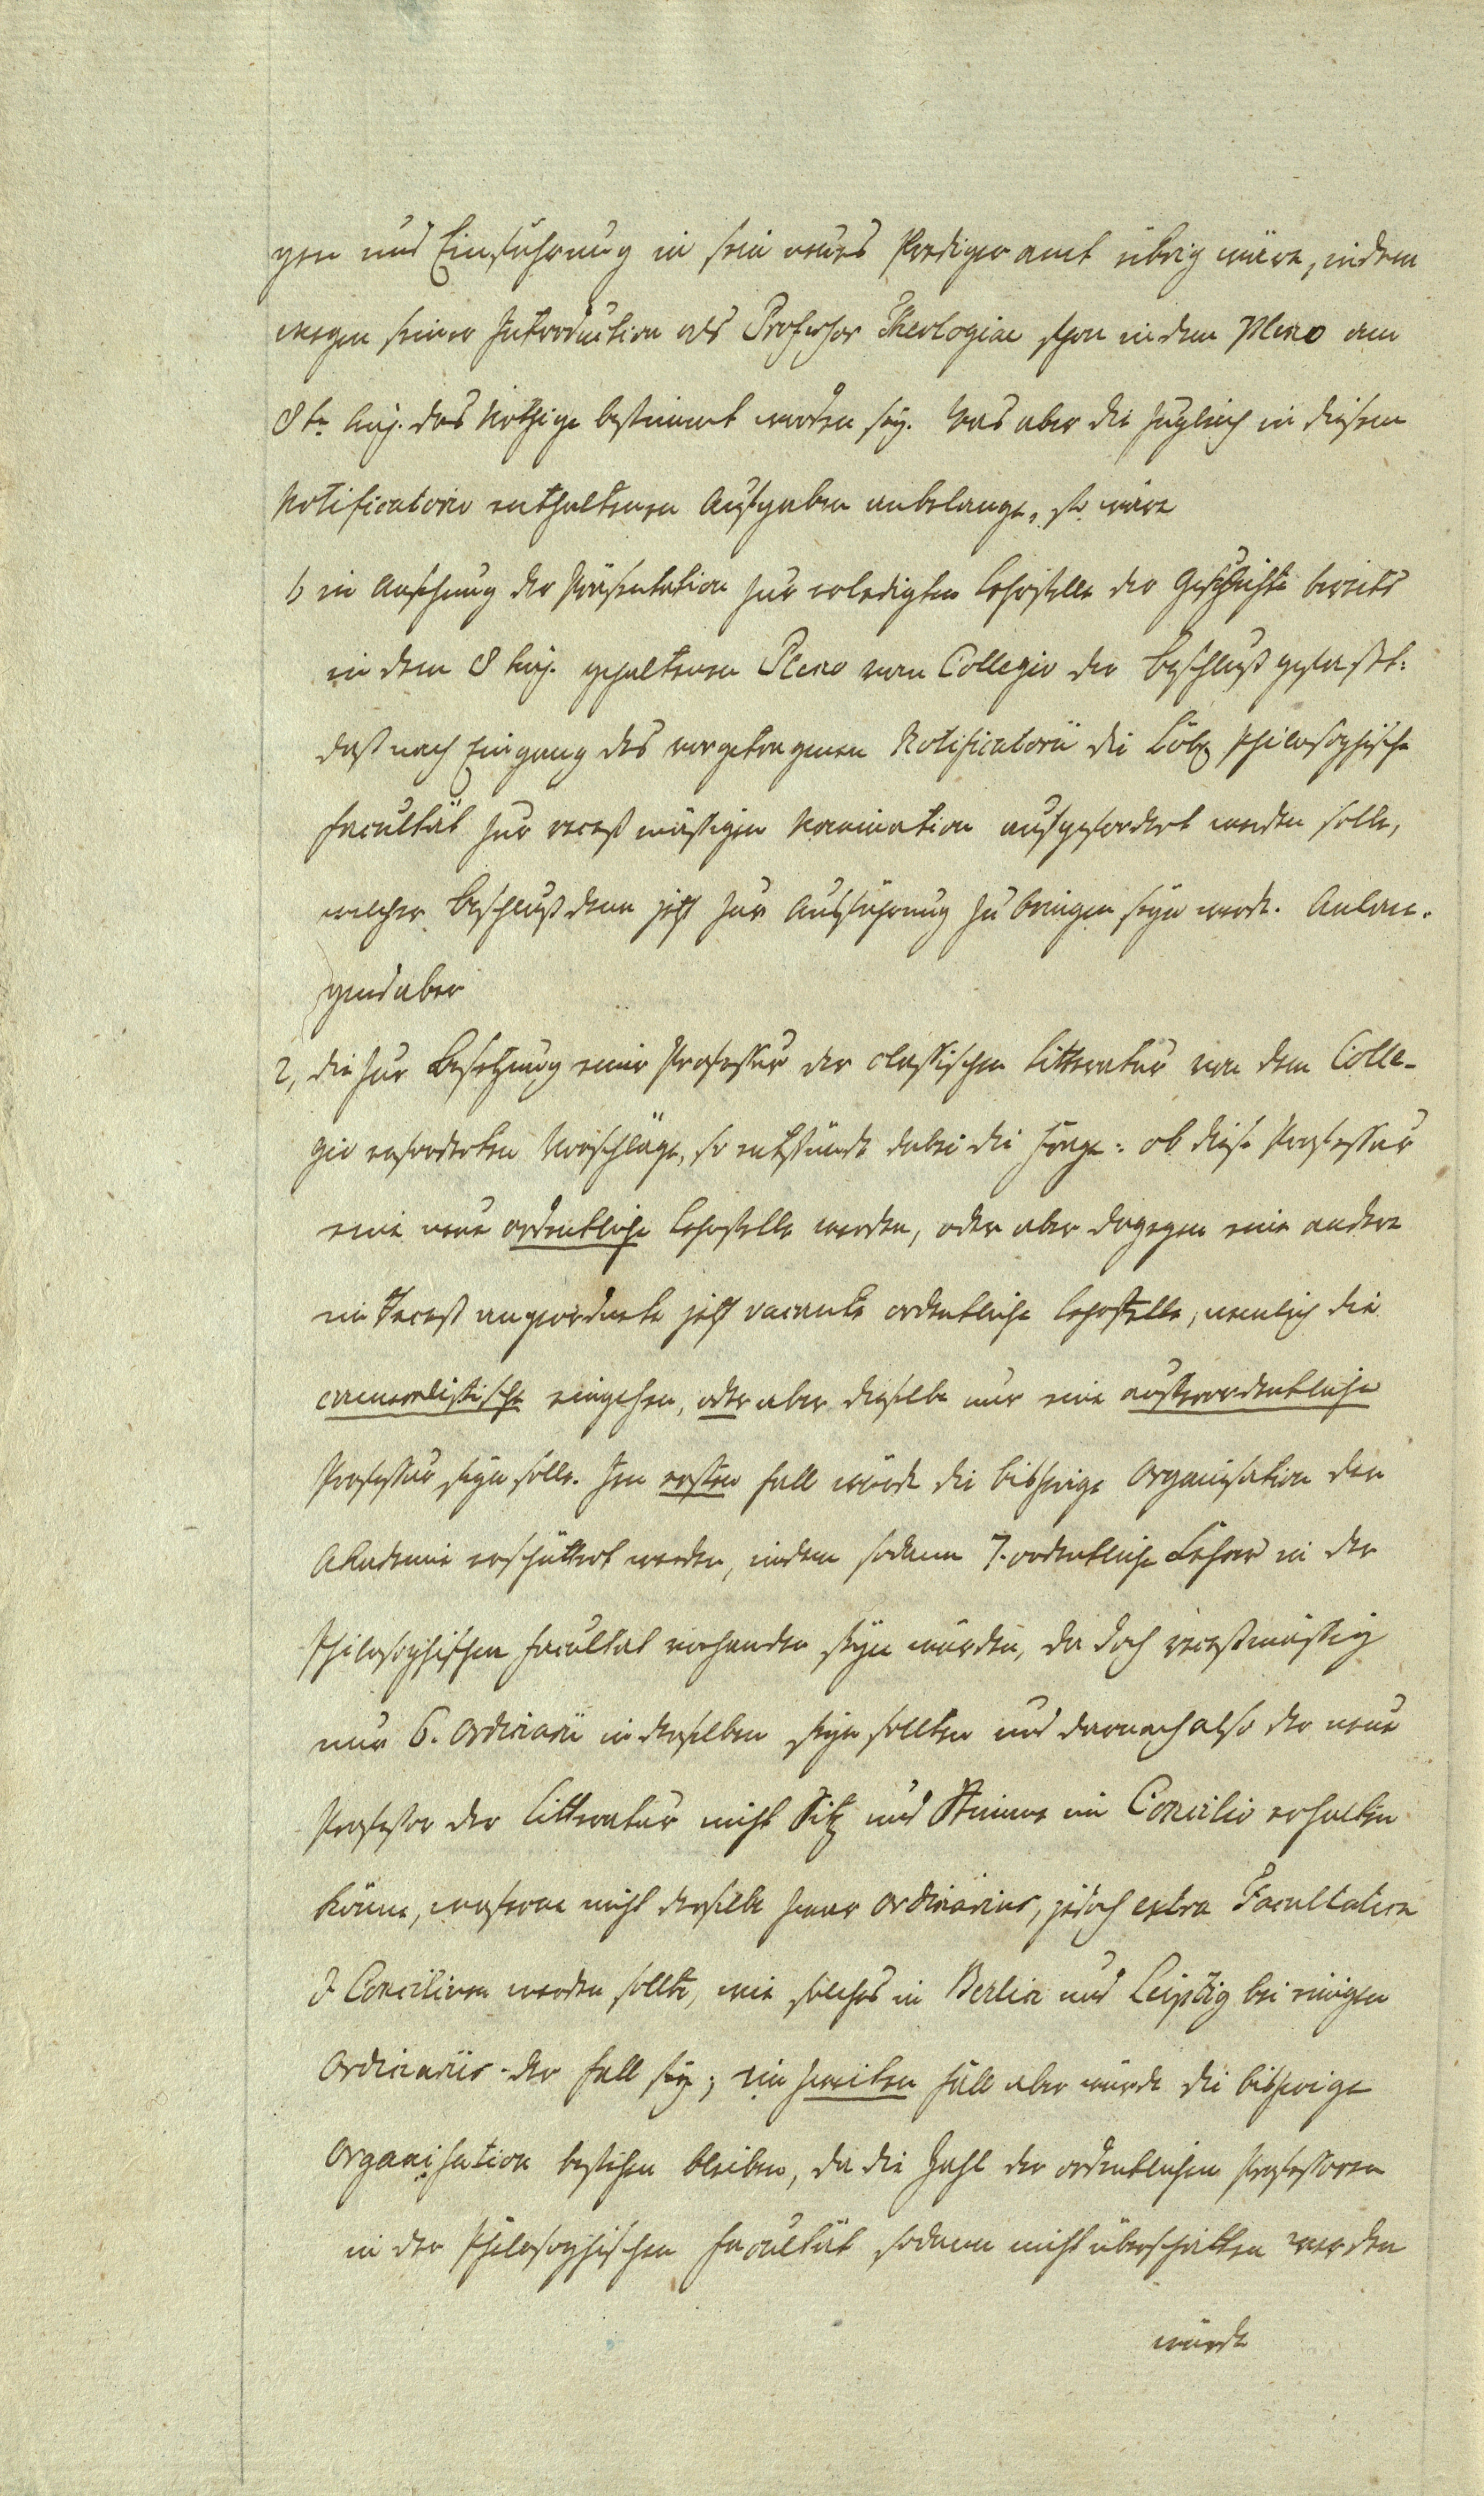gen und Einführung in sein neues Predigeramt übrig wäre, indem
wegen seiner Introduction als Professor Theologiae schon in dem Pleno am
8 ten huj. des Nöthige bestimmt worden seÿ. Was aber die zugleich in diesem
Notificatorio enthaltenen Aufgaben anbelange, so wäre
1, in Ansehung der Präsentation zur erledigten Lehrstelle der Geschichte bereits
in dem 8 huj. gehaltenen Pleno vom Collegio der Beschluß gefaßt,
daß nach Eingang des vorgetragenen Notificatorii die Löbl Philosophische
Facultät zur receßmässigen Nomination aufgefordert werden solle,
welcher Beschluß dem jetzt zur Ausführung zu bringen seÿn werde. Anlan¬
gend aber
2, die zur Besetzung einer Professor der classischen Litteratur von dem Colle¬
gio erforderten Vorschläge, so entstünde dabei die Frage: ob diese Professur
eine neue ordentliche Lehrstelle werden, oder aber dagegen eine andere
im Receß angeordnete jetzt vacante ordentliche Lehrstelle, nemlich die
cameralistische eingehen, oder aber dieselbe nur eine ausserordentliche
Professur seÿn solle. Im ersten Fall würde die bisherige Organisation der
Akademie erschüttert werden, indem sodann 7. ordentliche Lehrer in der
Philosophischen Facultät vorhanden seÿn würden, da doch rechtmässig
nur 6. Ordinarii in derselben seÿn sollten und darnach also der neue
Proffesor der Litteratur nicht Sitz und Stimme im Concilio erhalten
könne, woferne nicht derselbe zwar Ordinarius, jedoch extra Facultatem
et Concilium werden sollte, wie solches in Berlin und Leipzig bei einigen
Ordinariis der Fall seÿ; im zweiten Fall aber würde die bisherige
Organisation bestehen bleiben, da die Zahl der ordentlichen Professoren
in der Philosophischen Facultät sodann nicht überschritten werden
würde